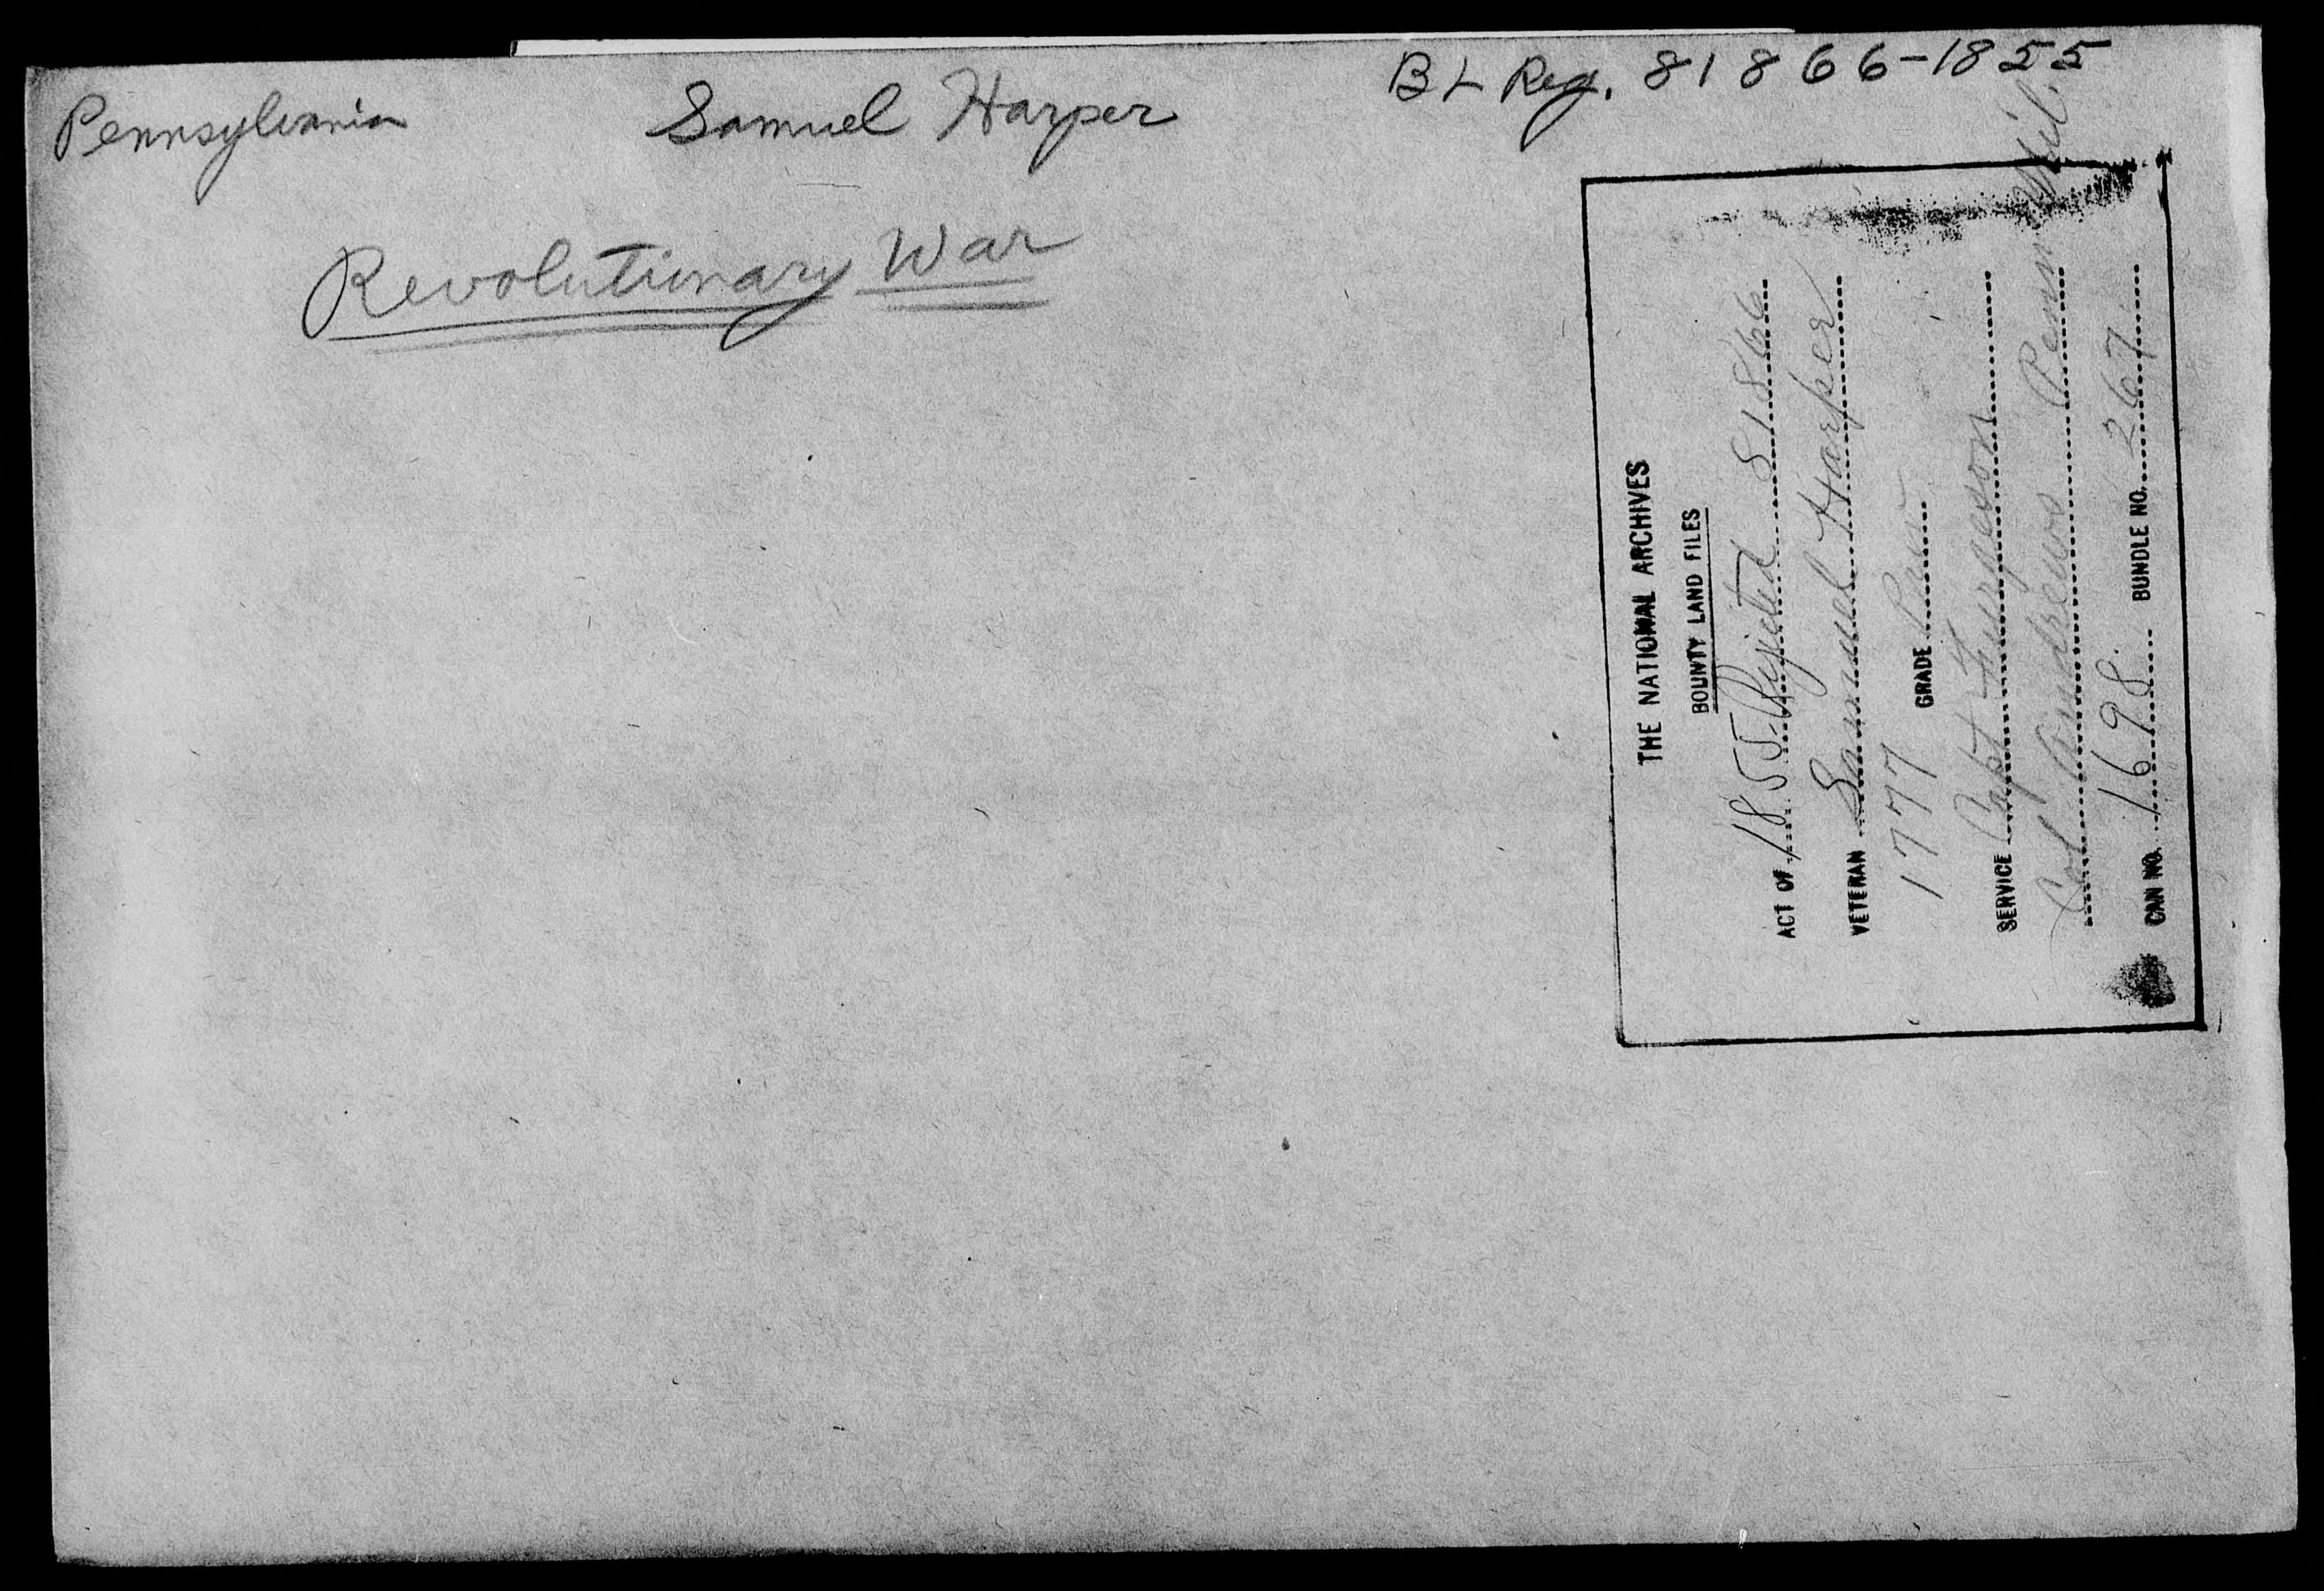Pennsylvania
Samuel Harper
Revolutionary War
B L Reg. 31866-1855
THE NATIONAL ARCHIVES
BOUNTY LAND FILES
ACT OF  1855 Rejected 81866
VETERAN Samuel Harper
1777 GRADE Priv
SERVICE Capt Ferguson Col Andrews Penn Mil
CNN NO. 1698 
BUNDLE NO. 267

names: Samuel Harper, Samuel Harper, Furgeson, Andrews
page: 64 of 81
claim: survivor's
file: S. 1908, Richard Harper, N.C.